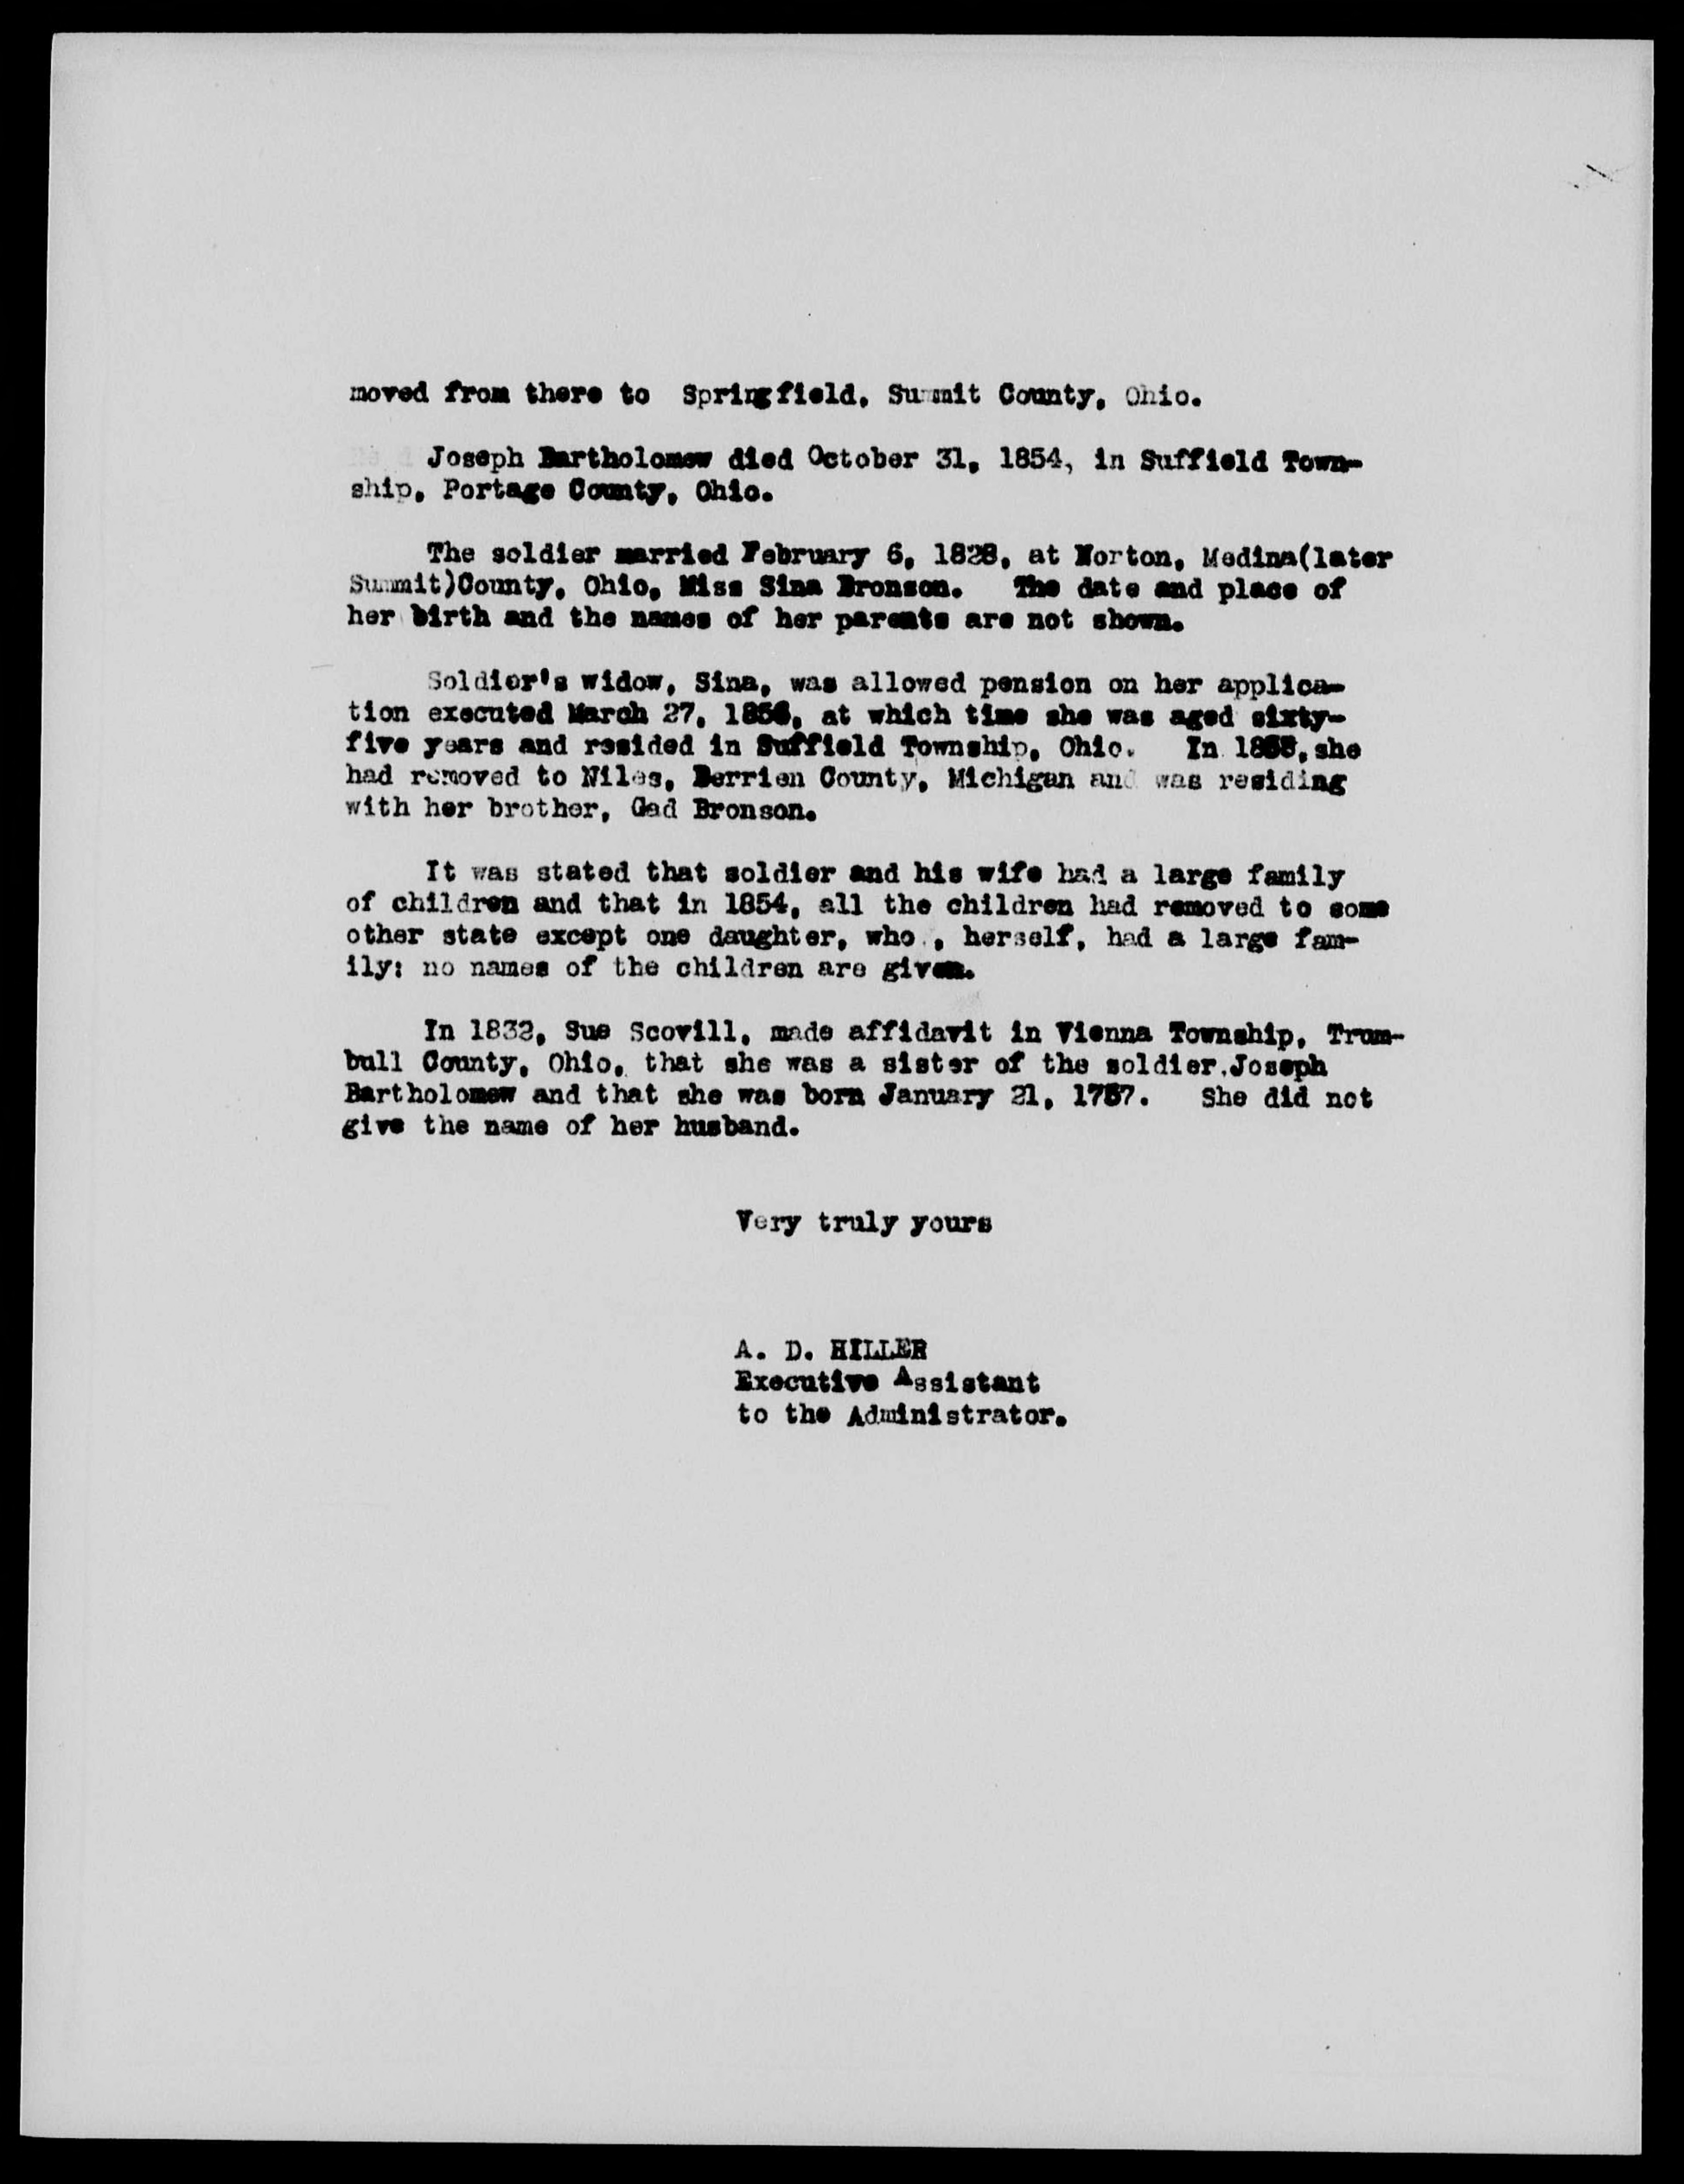moved from there to Springfield, Summit County, Ohio.

Joseph Bartholomew died October 31, 1854, in Suffield Township, Portage County, Ohio.

The soldier married February 6, 1828, at Norton, Medina (later Summit) County, Ohio, Miss Sina Bronson. The date and place of
her birth and the names of her parents are not shown.

Soldier's widow, Sina, was allowed pension on her application executed March 27, 1856, at which time she was aged sixty-five years and resided in Suffield Township, Ohio. In 1838, she had removed to Niles, Berrien County, Michigan and was residing with her brother, Gad Bronson.

It was stated that soldier and his wife had a large family of children and that in 1854, all the children had removed to some other state except one daughter, who, herself, had a large family: no names of the children are given.

In 1832, Sue Scovill, made affidavit in Vienna Township, Trumbull County, Ohio, that she was a sister of the soldier Joseph Bartholomew and that she was born January 21, 1757. She did not give the name of her husband.

Very truly yours
A. D. HILLER
Executive Assistant
to the Administrator.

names: A D Hiller, Joseph Bartholomew, Sina Bronson, Joseph Bartholomew, Sina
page: 19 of 76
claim: widow's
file: W. 9345, Joseph Bartholomew, Conn.